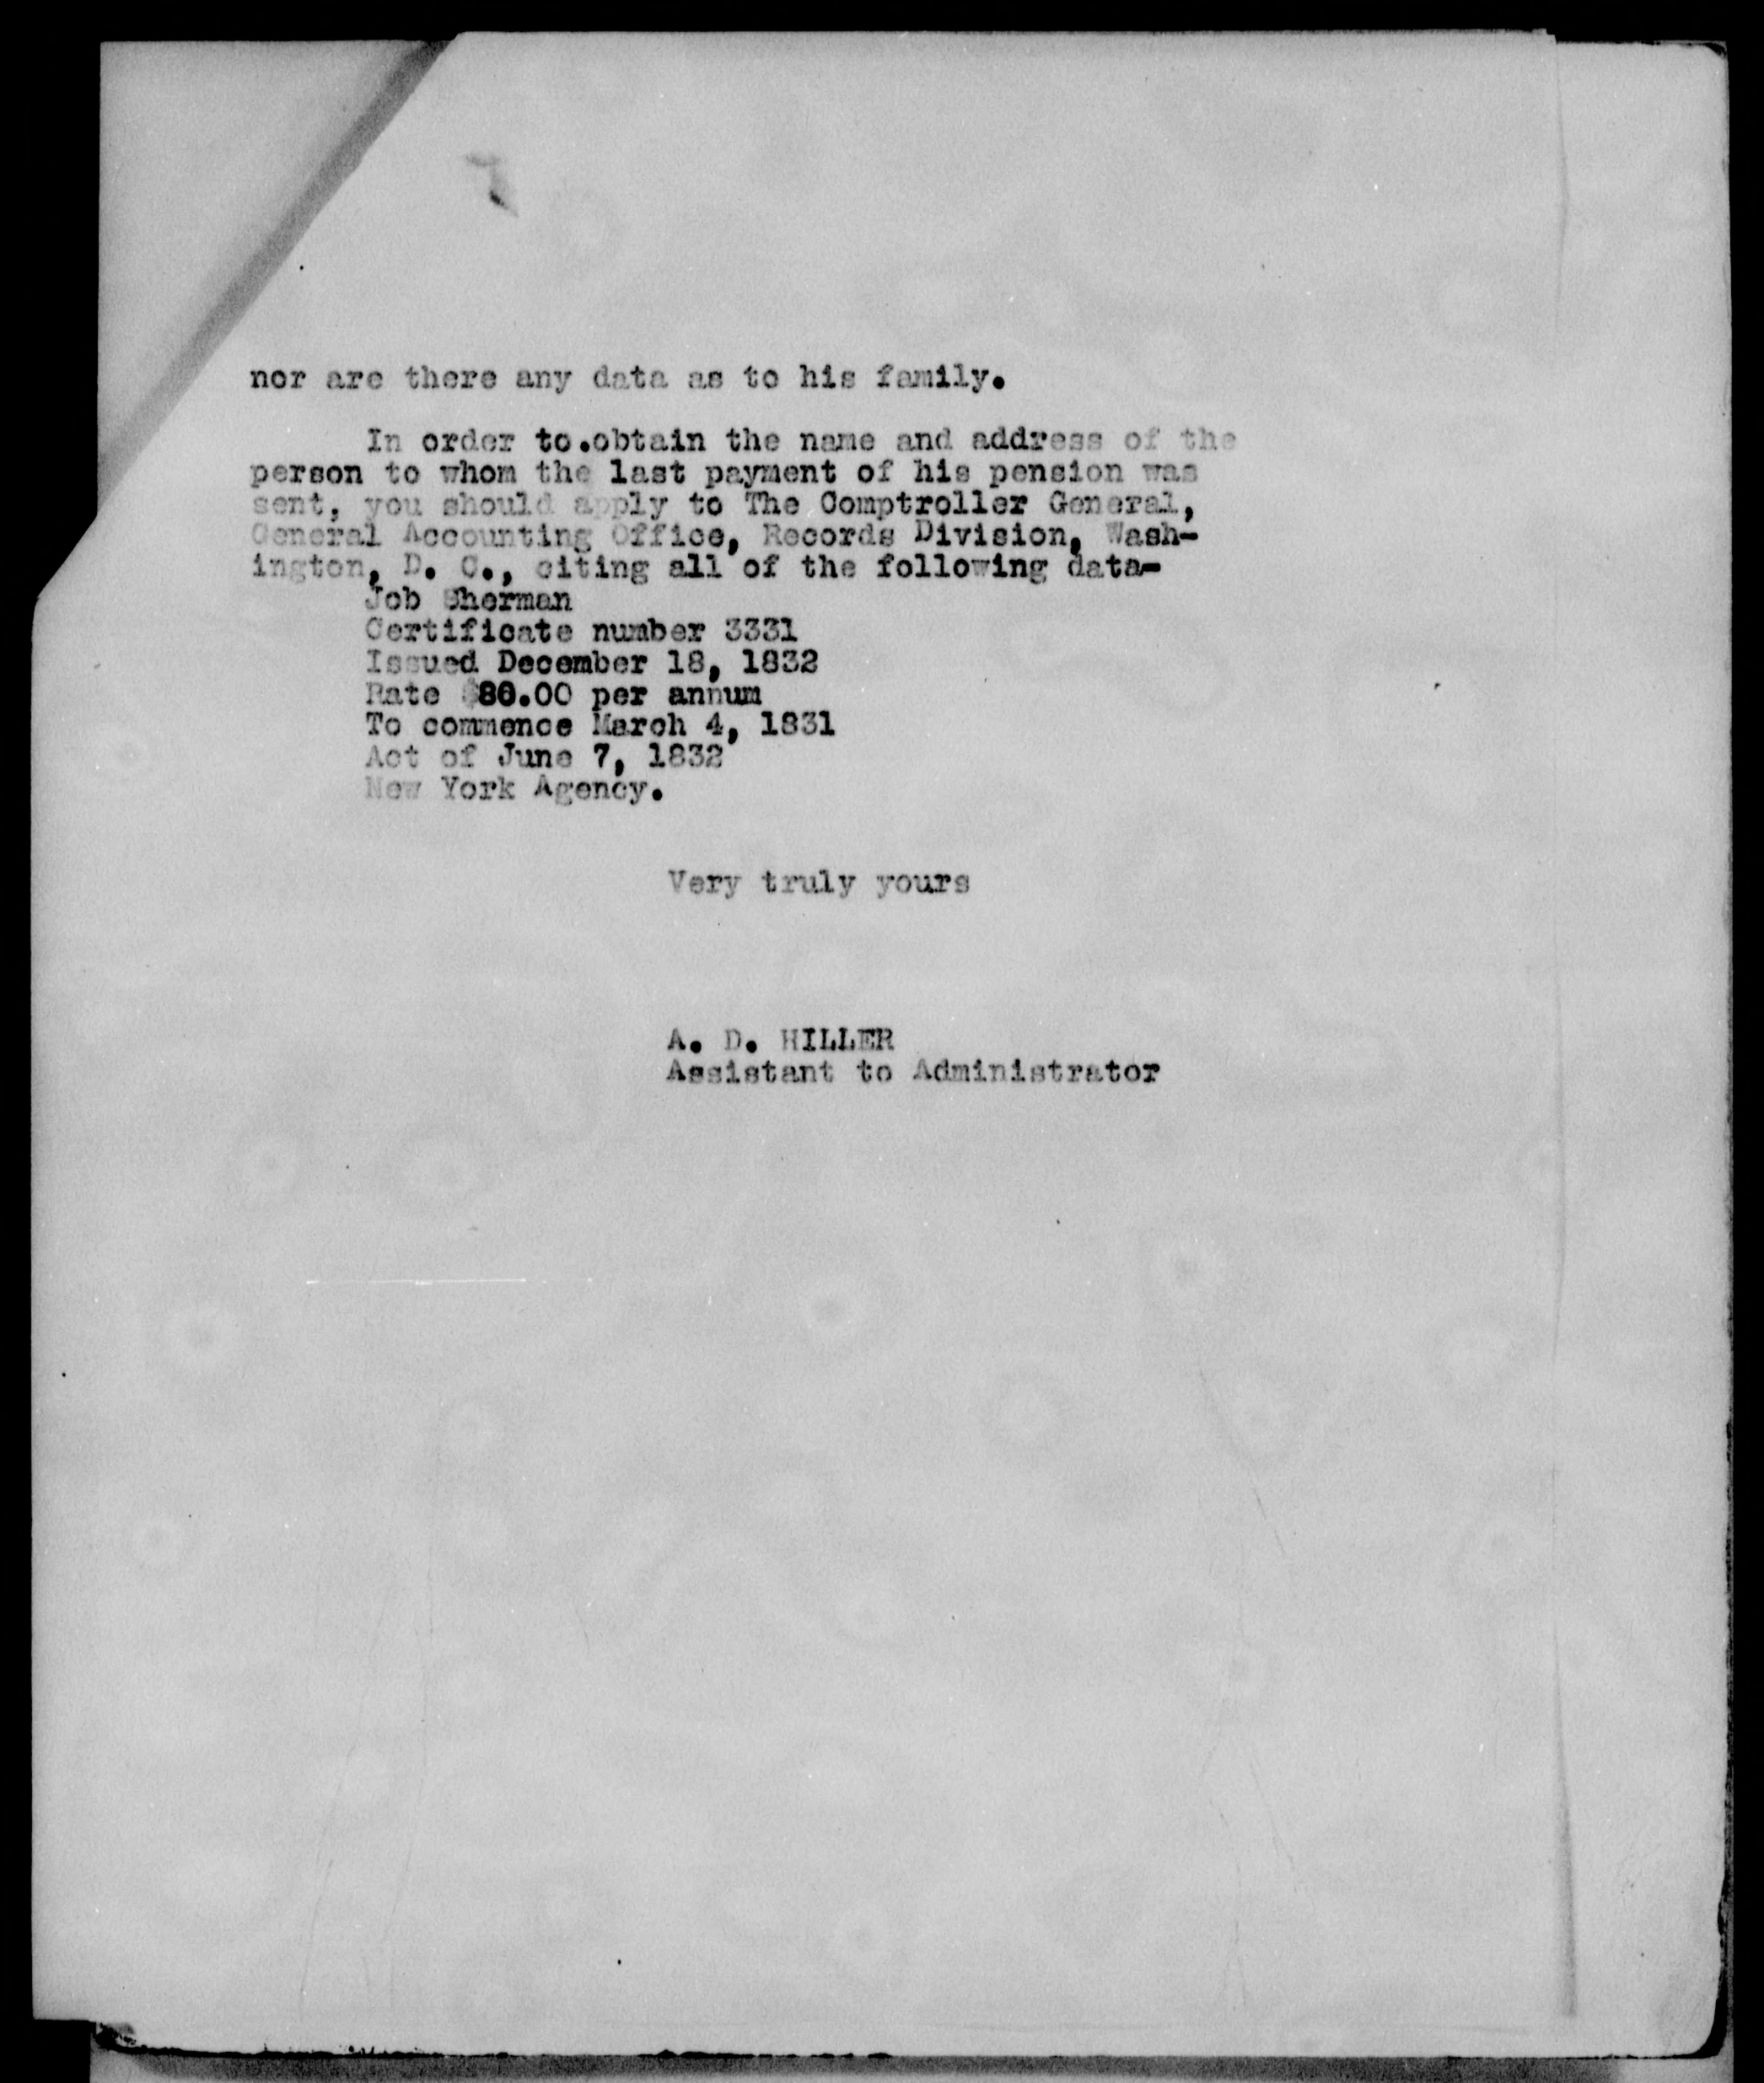[doc is typed]

nor are there any data as to his family.

In order to obtain the name and address of the
person to whom the last payment of his pension was
sent, you should apply to The Comptroller General,
General Accounting Office, Records Division, Wash-
ington, D.C., citing all of the following data--
Job Sherman
Certificate number 3331
Issued December 18, 1832
Rate $86.00 per annum
To commence March 4, 1831
Act of June 7, 1832
New York Agency.

Very truly yours

A.D. HILLER
Assistant to Administrator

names: A D Hiller; Job Sherman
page: 6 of 10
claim: survivor's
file: S. 28,874, for Job Shearmon, New York